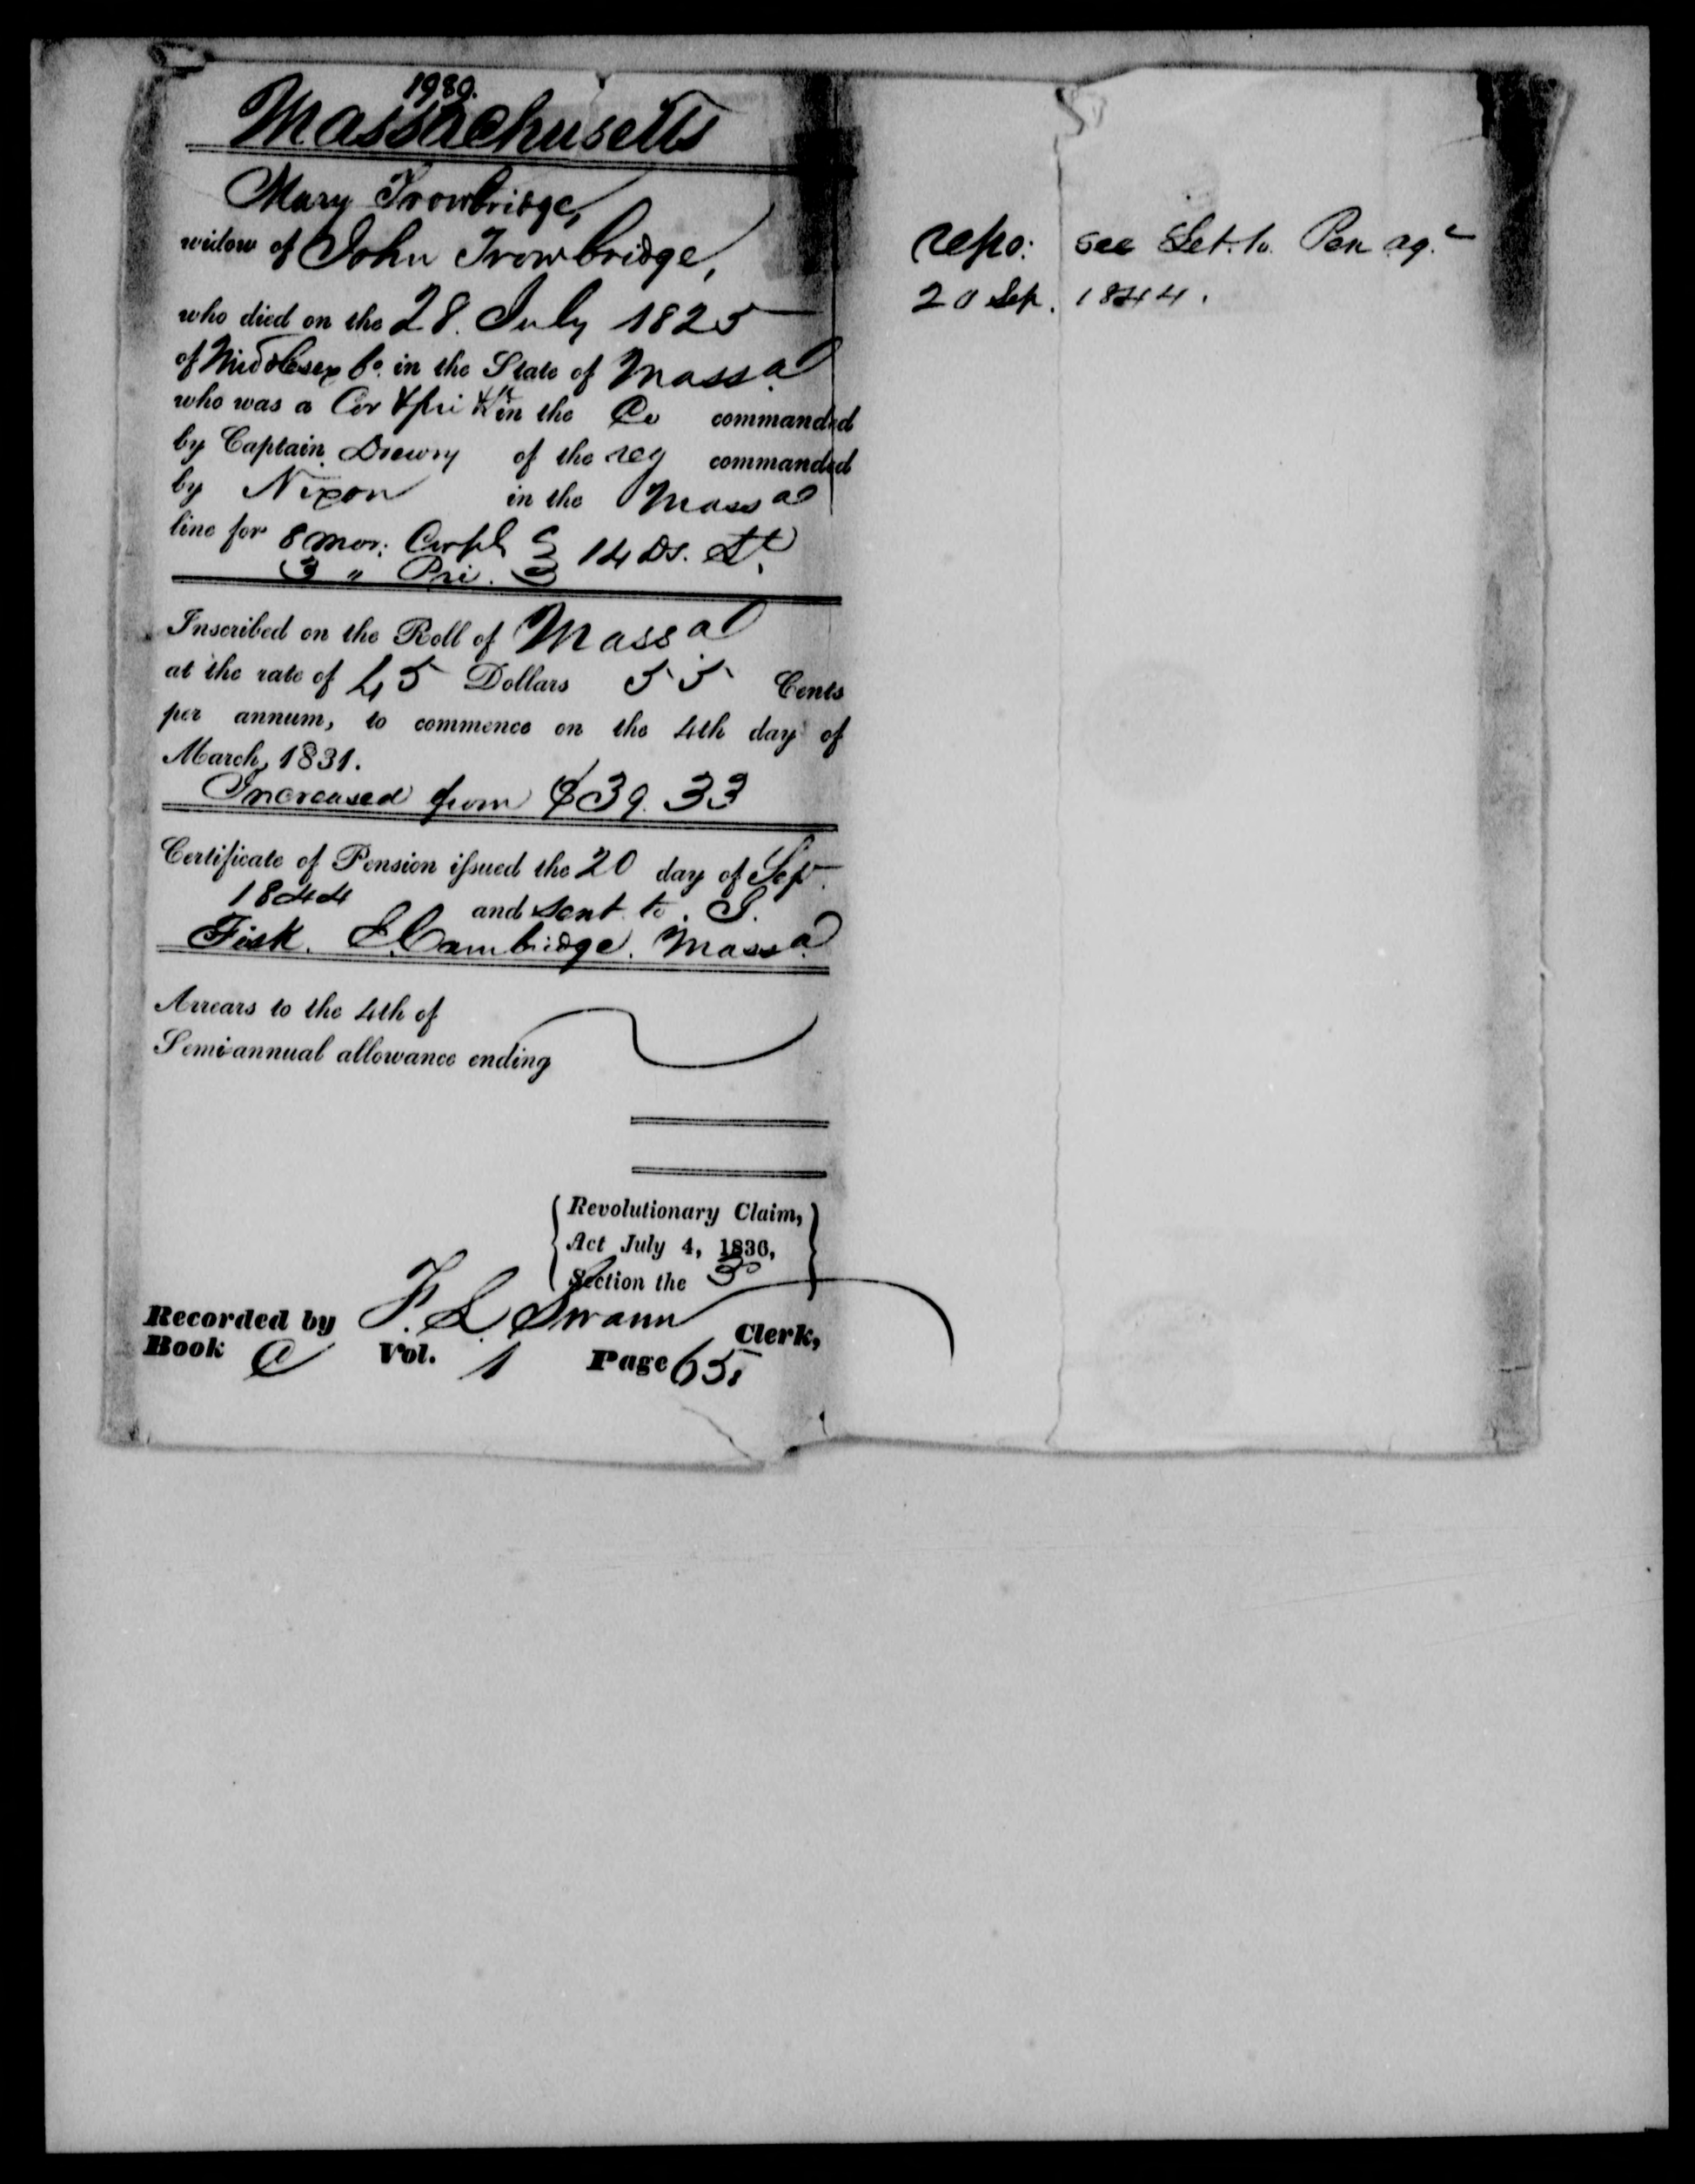1989.
Massachusetts
Mary Trowbridge
widow of John Trowbridge
who died on the 28 July 1825
of Middlesex Co. in the State of Massa
who was a Cor & pri in the Co commanded
by Captain Drewry of the Reg commanded
by Nixon
in the Massa
line for 8 mo. Corpl ⎬ 14 D. St
             3 " Pri.
---
Inscribed on the Roll of Massa
at the rate of 45 Dollars 55
Cents
per annum, to commence on the 4th day of
March, 1831.
Increased from $39.33
---
Certificate of Pension issued the 20 day of Sept 1844 and sent to
Fisk. E. Cambridge Massa
---
Arrears to the 4th of
Semiannual allowance ending
Revolutionary Claim,
Act July 4, 1836,
Section the 3
Recorded by F. S. Swann Clerk,
Book C Vol 1 Page 65
repo: See Let. to. Pen ag

20 Sep. 1844.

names: Nixon, John Trowbridge, Mary Trowbridge, I Fisk, Drewry, F L Swann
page: 2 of 34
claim: widow's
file: W. 15439, John Trowbridge, Mass.